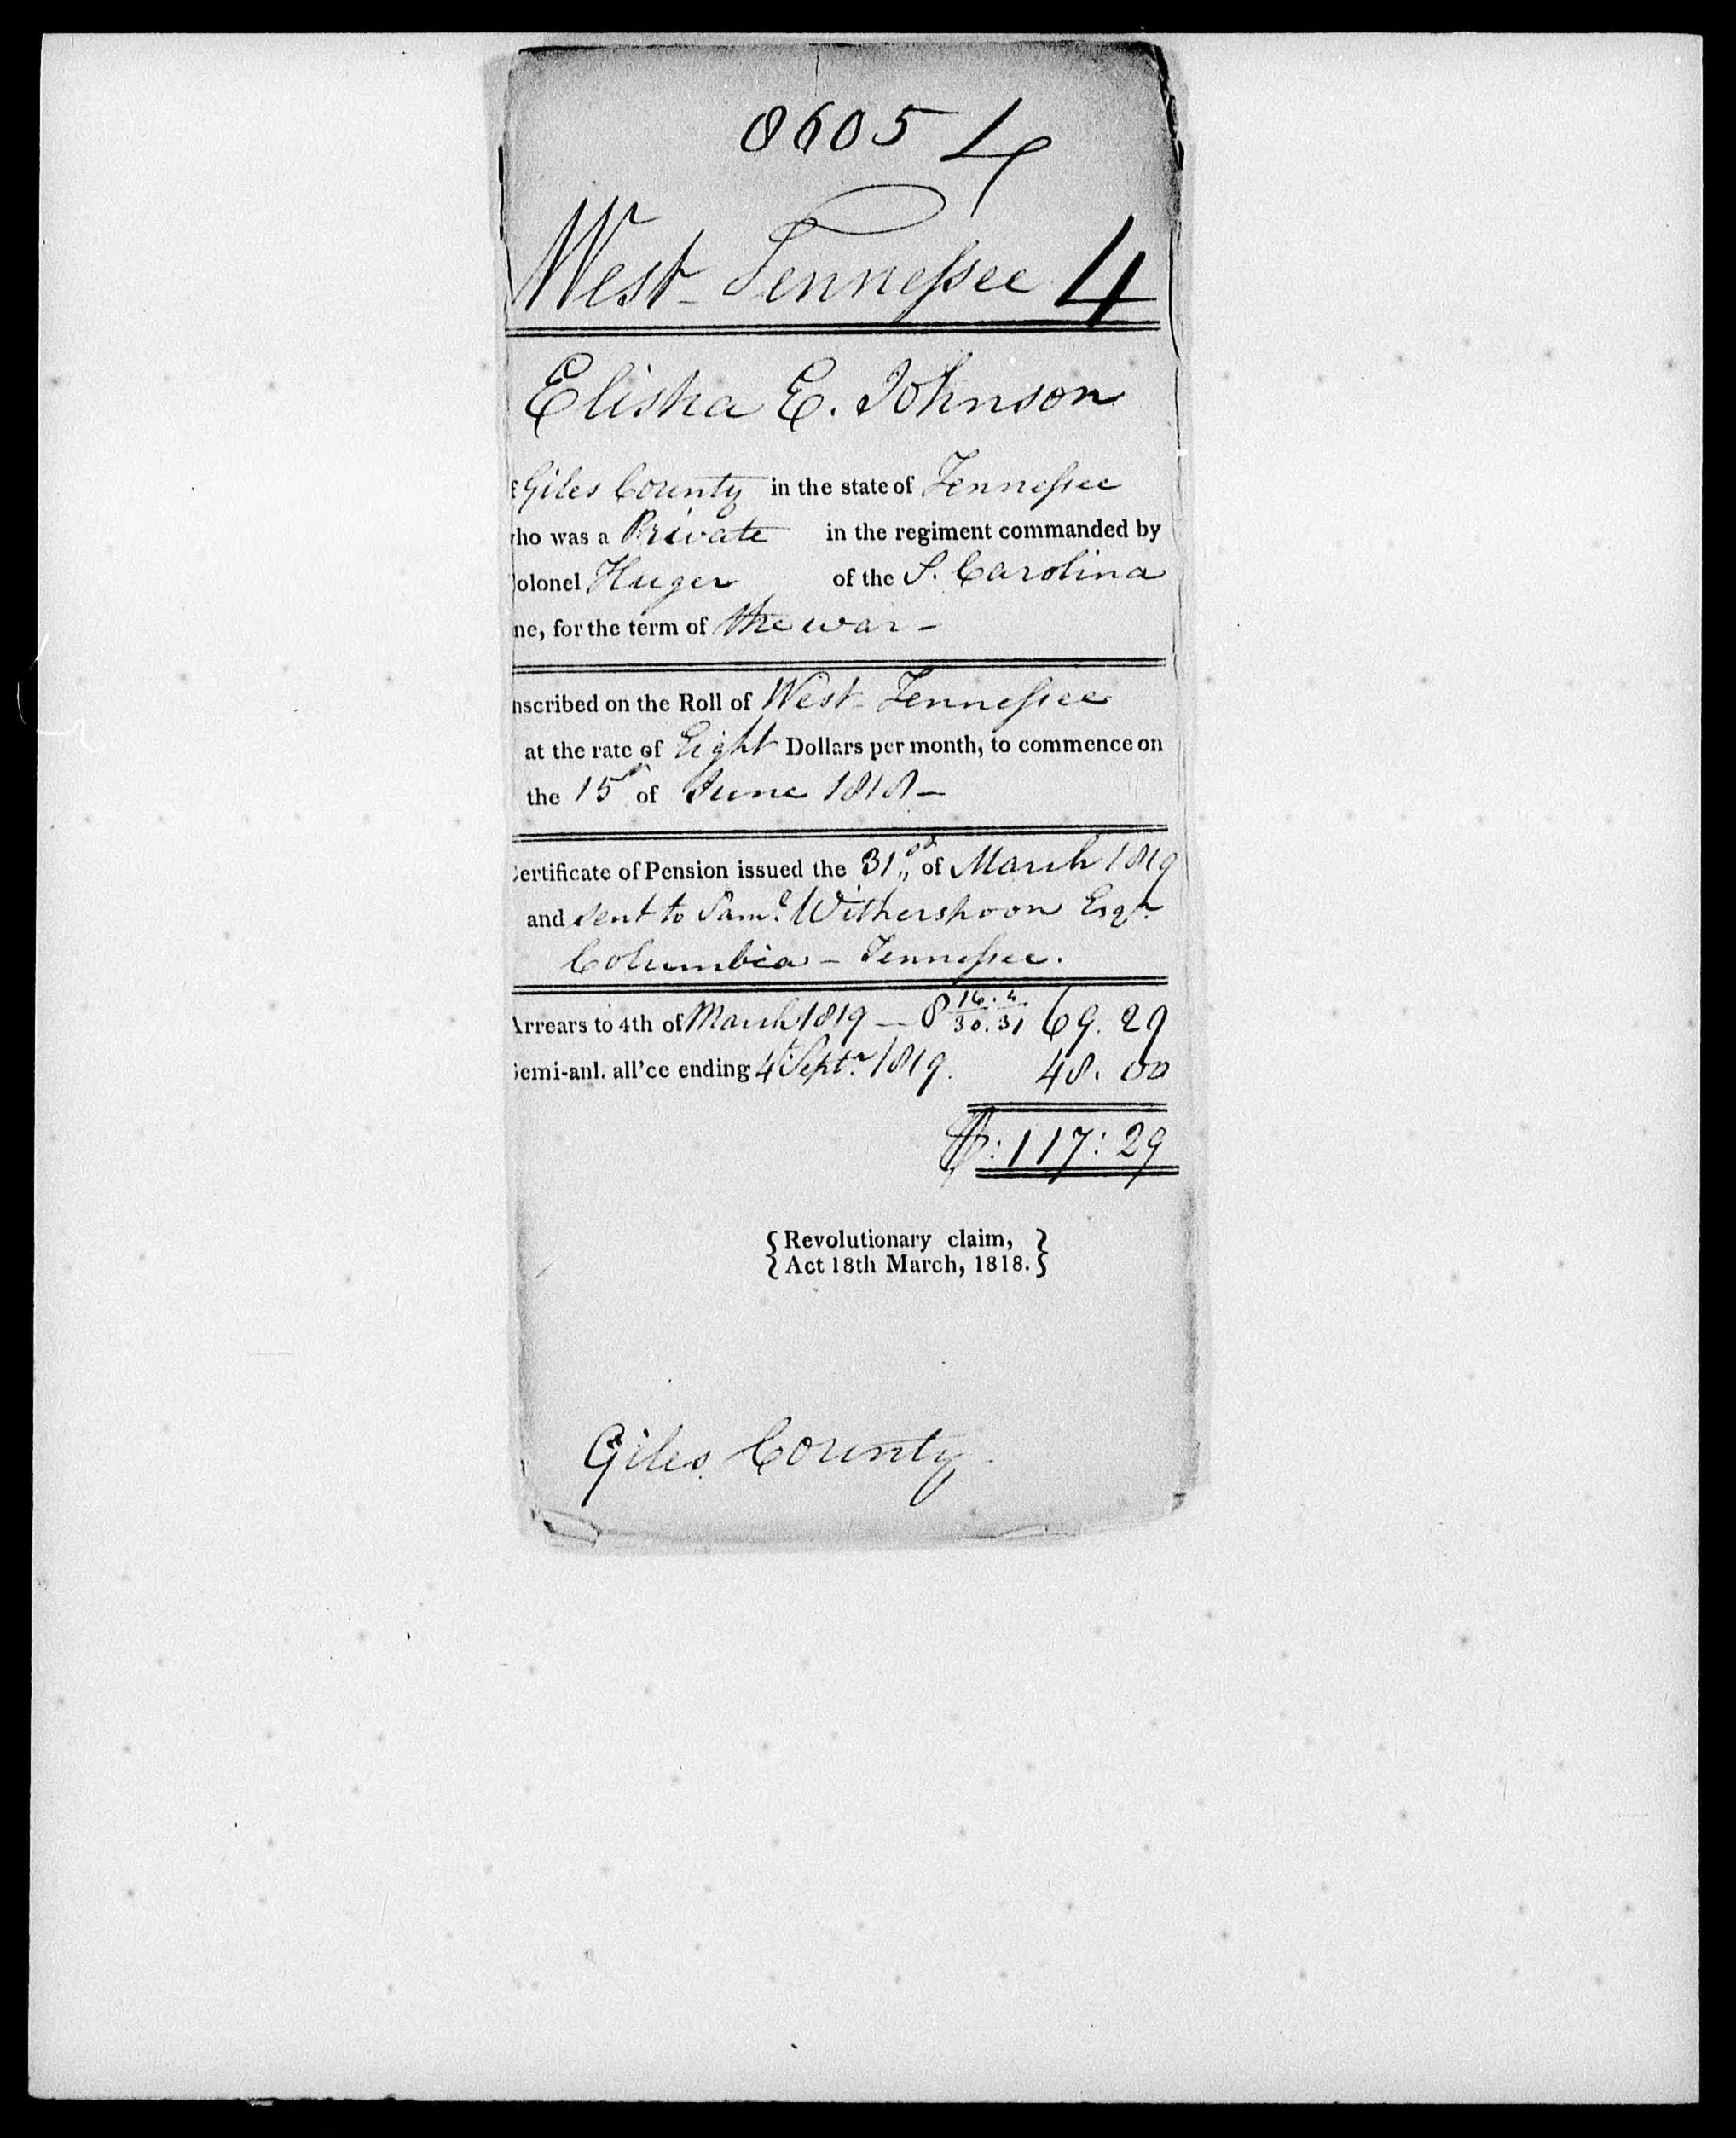06054
West  Tennessee 4
Elisha E. Johnson
of Giles County in the state of Tennessee who was a Private in the regiment commanded by Colonel [Isaac] Huger of the S. Carolina line, for the term of the war -

Inscribed on the Roll of West  Tennessee at the rate of Eight Dollars per month, to commence on the 15 of June 1818 -

Certificate of Pension issued the 31st of March 1819 and sent to Saml. Witherspoon Esqr.
Columbia - Tennessee.

Arrears to 4th of March 1819 - S 16.4/30.31  69.29
Semi-anl. all'ce ending 4th Septr. 1819    48.00 = $117:29

{Revolutionary claim,}
{Act 18th March, 1818.}
Giles County.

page: 2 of 9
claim: survivor's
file: S. 38885, for Elisha Edwards Johnson, South Carolina